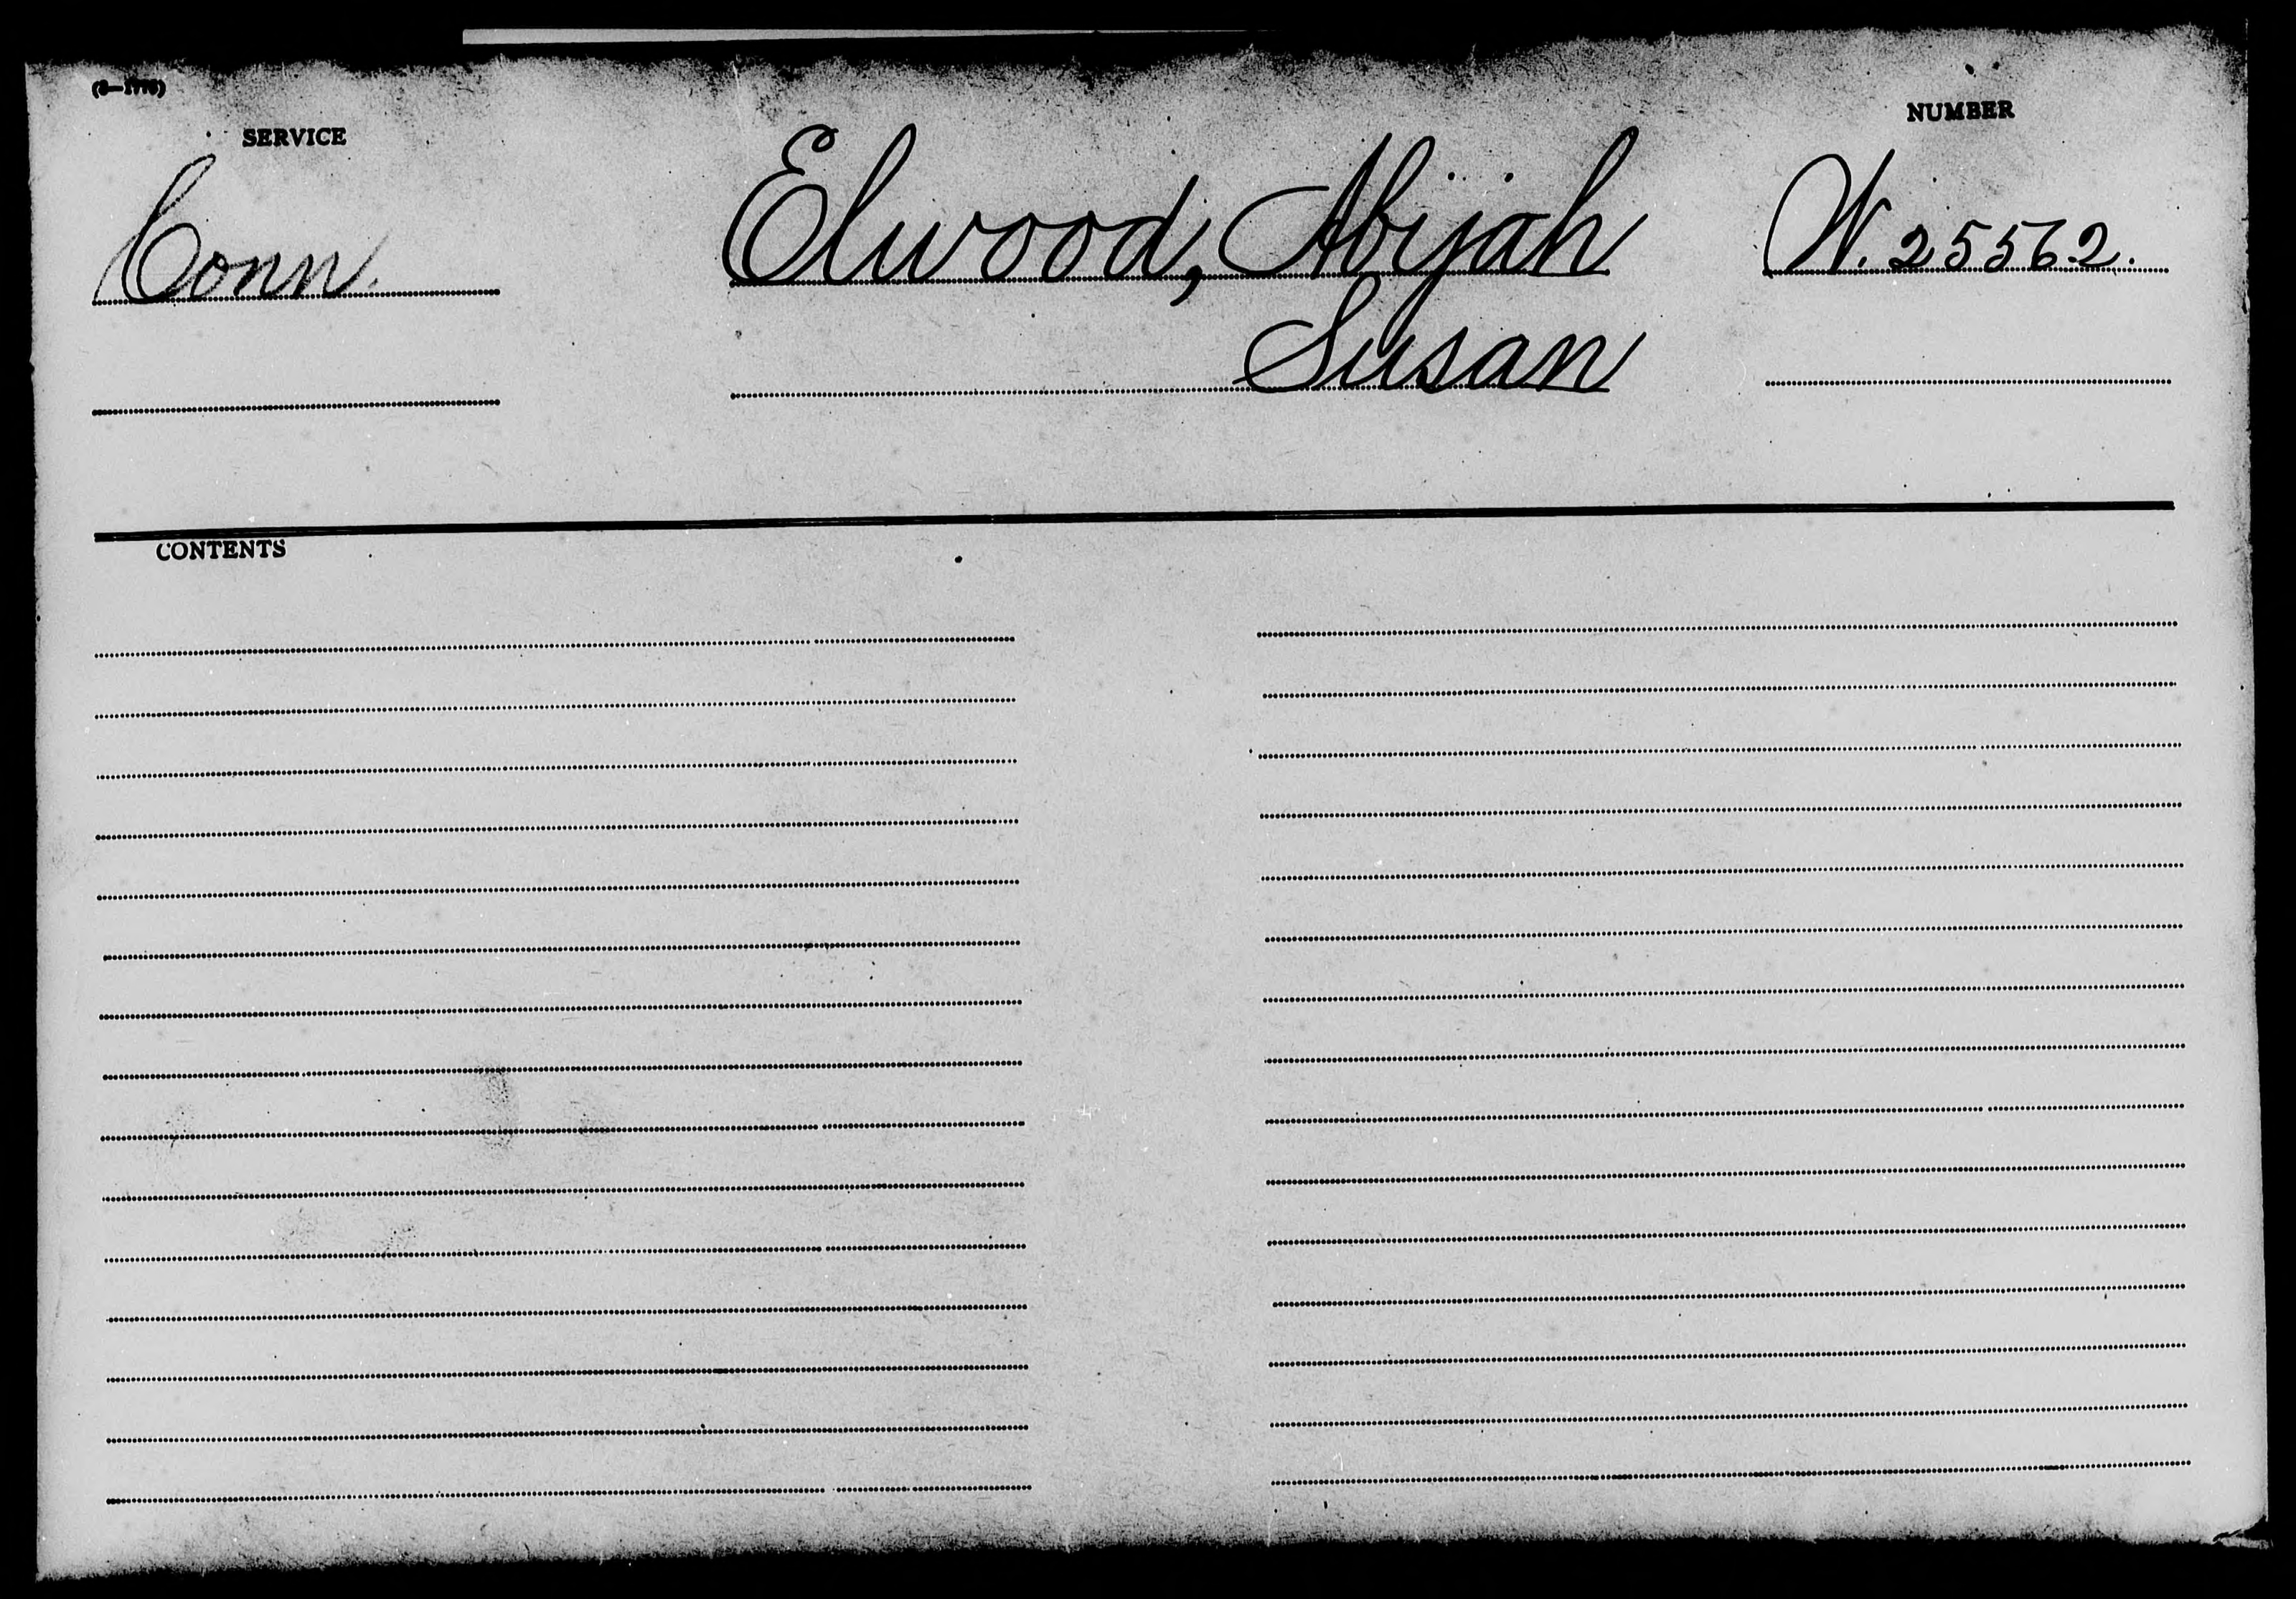(9-1776)

SERVICE
Conn.

Elwood, Abijah
Susan

Number
W.255https://catalog.archives.gov/images/misc/drag.png62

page: 1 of 69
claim: widow's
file: W. 25562, Abijah Elwood, Conn.